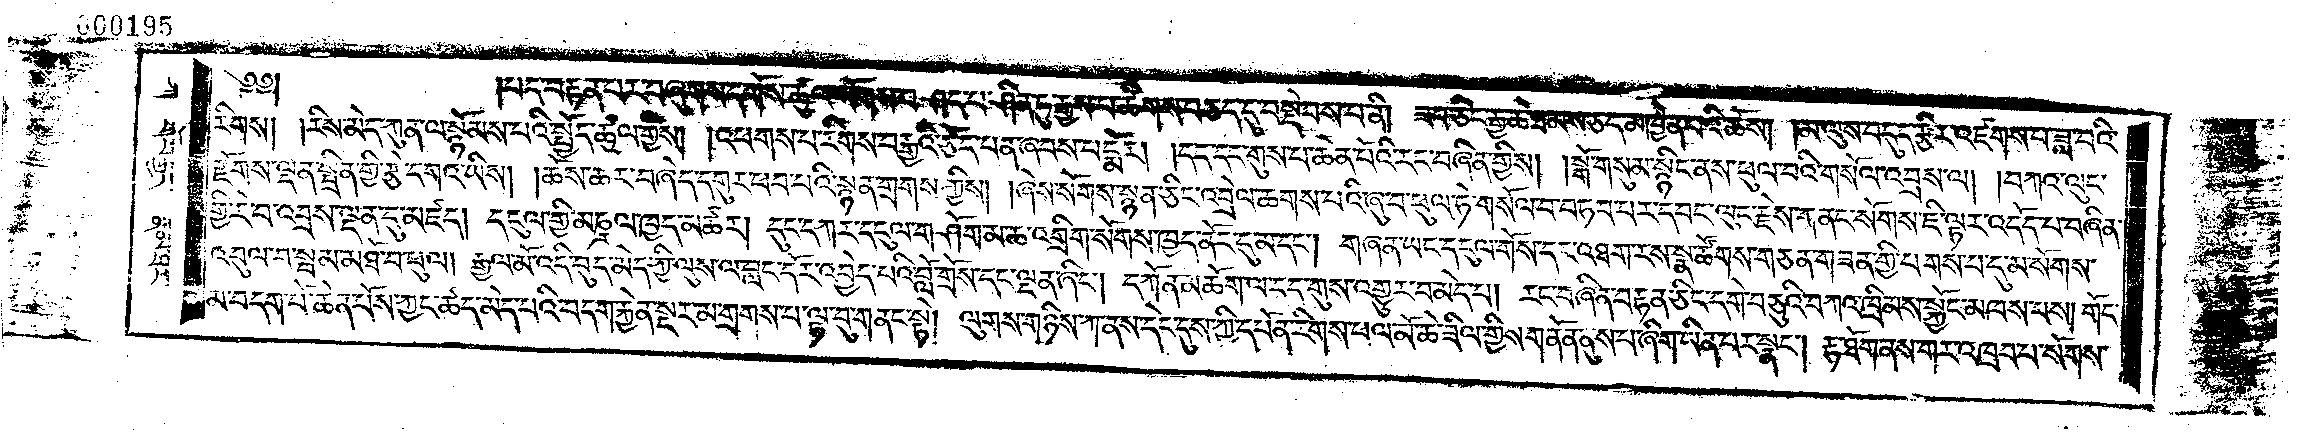༄༅། །པད་བརྟན་པར་བཞུགས་དགོས་ཚུལ་སོགས་བཤད་པ་ཤིན་ཏུ་རྒྱས་པ་ཚིགས་བཅད་དུ་བསྡེབས་པ་ནི། ཟབ་ཅིང་རྒྱ་ཆེ་ཐམས་ཅད་མཁྱེན་པའི་ཆོས། །མ་ལུས་བདུད་རྩིར་འཛགས་པ་ཟླ་བའི་
རིགས། །རིས་མེད་ཀུན་ལ་སྙོམས་པའི་སྤྱོད་ཚུལ་གྱིས། །འཕགས་པ་རིགས་བརྒྱའི་ཅོད་པན་ཞབས་པདམོར། །དད་དང་གུས་པ་ཆེན་པོའི་རང་བཞིན་གྱིས། །སྒོ་གསུམ་སྙིང་ནས་ཕུལ་བའི་གསོལ་འབྲས་ལ། །བཀའ་ལུང་
རྫོགས་ལྡན་སྤྲིན་གྱི་རྩེ་དགའ་ཡིས། །ཆོས་ཆར་བཞེད་དགུར་ཕབ་པའི་སྙན་གྲགས་ཀྱིས། །ཞེས་སོགས་སྙན་ཅིང་འབྲེལ་ཆགས་པའི་ཞུ་བ་ཕུལ་ཏེ་གསོལ་བ་བཏབ་པར་དབང་ལུང་རྗེས་གནང་སོགས་ཇི་ལྟར་འདོད་པ་བཞིན་
གྱི་རེ་བ་འབྲས་ལྡན་དུ་མཛད། དངུལ་གྱི་མཎྜལ་ཁྱད་མཚར། དུང་དཀར་དངུལ་གཤོག་མཆ་འགྲིག་སོགས་ཁྱད་ནོར་དུ་མ་དང་། གཞན་ཡང་དངུལ་གོས་དང་འཐག་རས་སྣ་ཚོགས་གཅན་གཟན་གྱི་པགས་པ་དུ་མ་སོགས་
འབུལ་བ་སྤམ་མཐོ་བ་ཕུལ། རྒྱལ་མོ་འདི་བུད་མེད་ཀྱི་ལུས་ལ་བླང་དོར་འབྱེད་པའི་བློ་གྲོས་དང་ལྡན་ཞིང་། དཀོན་མཆོག་ལ་དད་གུས་འགྱུར་བ་མེད་པ། རང་བཞིན་བརྟན་ཅིང་དགེ་བཅུའི་བཀའ་ཁྲིམས་སྐྱོང་མཁས་པས། གོང་
མ་བདག་པོ་ཆེན་པོས་ཀྱང་ཚད་མེད་པའི་བདག་རྐྱེན་སྔར་མ་གྲགས་པ་ལྟ་བུ་གནང་སྟེ། ལུགས་གཉིས་ཀ་ནས་དེང་དུས་ཀྱི་དཔོན་རིགས་ཕལ་མོ་ཆེ་ཟིལ་གྱིས་གནོན་ནུས་པ་ཞིག་ཡིན་པར་སྣང་། རྟ་ཐོག་ནས་གར་འཁྲབ་པ་སོགས་